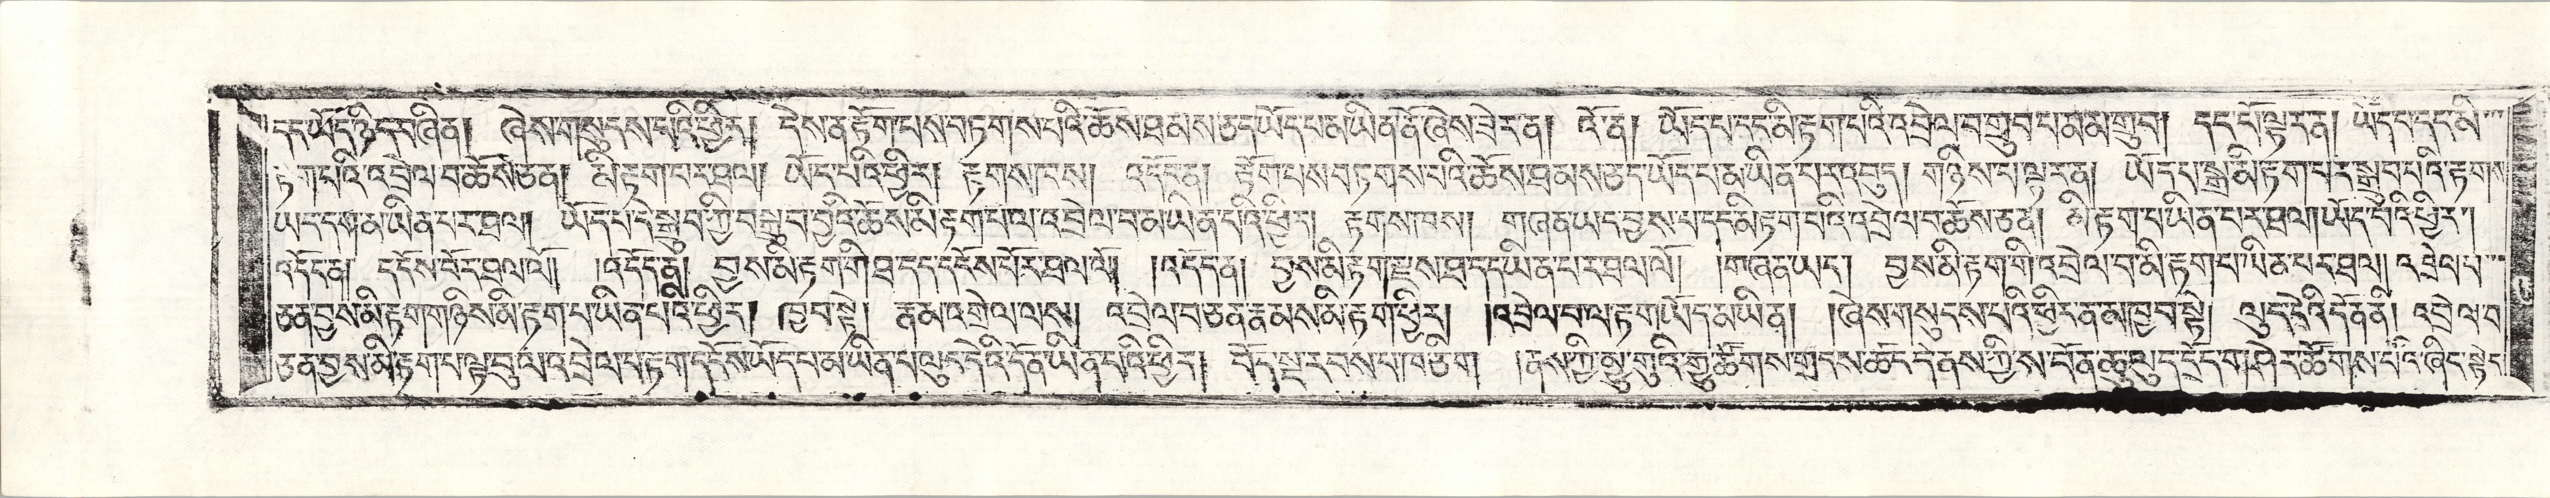དང་ཡོད་ཉིད་བཞིན། ཞེས་གསུངས་པའི་ཕྱིར། དེས་ན་རྟོག་པས་བཏགས་པའི་ཆོས་ཐམས་ཅད་ཡོད་པ་མ་ཡིན་ནོ་ཞེས་ཟེར་ན། འོ་ན། ཡོད་པ་དང་མི་རྟག་པའི་འབྲེལ་བ་གྲུབ་བམ་མ་གྲུབ། དང་པོ་ལྟར་ན། ཡོད་པ་དང་མི་
རྟག་པའི་འབྲེལ་བ་ཆོས་ཅན། མི་རྟག་པར་ཐལ། ཡོད་པའི་ཕྱིར། རྟགས་ཁས། འདོད་ན། རྟོག་པས་བཏགས་པའི་ཆོས་ཐམས་ཅད་ཡོད་པ་མ་ཡིན་པར་འབུད། གཉིས་པ་ལྟར་ན། ཡོད་པ་སྒྲ་མི་རྟག་པར་སྒྲུབ་པའི་རྟགས་
ཡང་དག་མ་ཡིན་པར་ཐལ། ཡོད་པ་དེ་སྒྲུབ་ཀྱི་བསྒྲུབ་བྱའི་ཆོས་མི་རྟག་པ་ལ་འབྲེལ་བ་མ་ཡིན་པའི་ཕྱིར། རྟགས་ཁས། གཞན་ཡང་བྱས་པ་དང་མི་རྟག་པའི་འབྲེལ་བ་ཆོས་ཅན། མི་རྟག་པ་ཡིན་པར་ཐལ། ཡོད་པའི་ཕྱིར།
འདོད་ན། དངོས་པོར་ཐལ་ལོ། །འདོད་ན། བྱས་མི་རྟག་གི་ཐ་དད་དངོས་པོར་ཐལ་ལོ། །འདོད་ན། བྱས་མི་རྟག་རྫས་ཐ་དད་ཡིན་པར་ཐལ་ལོ། །གཞན་ཡང་། བྱས་མི་རྟག་གི་འབྲེལ་བ་མི་རྟག་པ་ཡིན་པར་ཐལ། འབྲེལ་བ་
ཅན་བྱས་མི་རྟག་གཉིས་མི་རྟག་པ་ཡིན་པའི་ཕྱིར། ཁྱབ་སྟེ། རྣམ་འགྲེལ་ལས། འབྲེལ་བ་ཅན་རྣམས་མི་རྟག་ཕྱིར། །འབྲེལ་བ་ལ་རྟག་ཡོད་མ་ཡིན། །ཞེས་གསུངས་པའི་ཕྱིར་ན་མ་ཁྱབ་སྟེ། ལུང་དེའི་དོན་ནི། འབྲེལ་བ་
ཅན་བྱས་མི་རྟག་པ་ལྟ་བུ་ལ་འབྲེལ་བ་རྟག་དངོས་ཡོད་པ་མ་ཡིན་པ་ལུང་དེའི་དོན་ཡིན་པའི་ཕྱིར། བོད་སྔ་རབས་པ་ཁ་ཅིག །ནས་ཀྱི་མྱུ་གུའི་རྒྱུ་ཚོགས་གྲངས་ཚང་དེ། ནས་ཀྱི་ས་བོན་ཆུ་ལུད་དྲོད་གཤེར་ཚོགས་པའི་ཞིང་སྟེང་